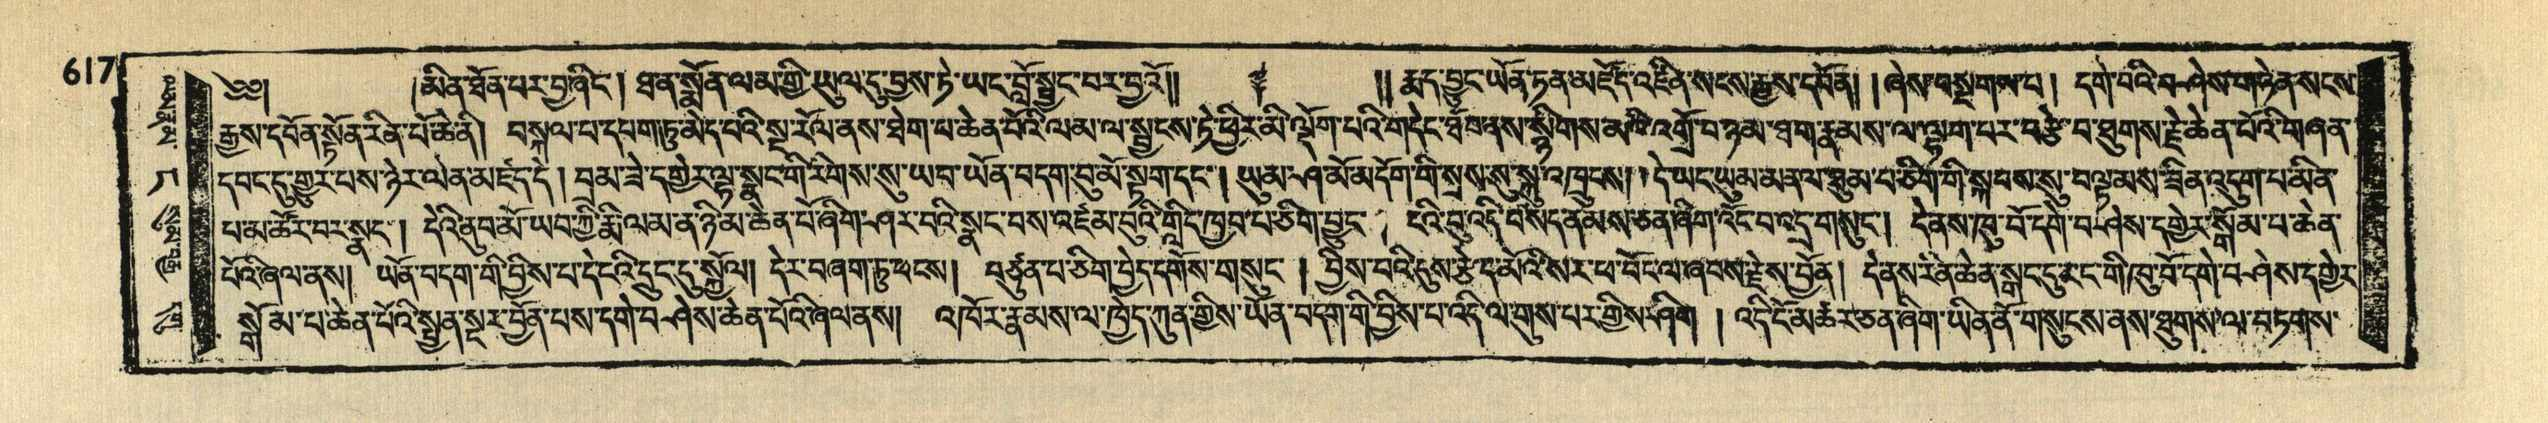༄༅། །མིན་ཐོན་པར་བྱ་ཞིང་། ཐ་ན་སྨོན་ལམ་གྱི་ཡུལ་དུ་བྱས་ཏེ་ཡང་བློ་སྦྱང་བར་བྱའོ།། ༈ །།རྨད་བྱུང་ཡོན་ཏན་མཛོད་འཛིན་སངས་རྒྱས་དབོན། །ཞེས་བསྔགས་པ། དགེ་བའི་བཤེས་གཉེན་སངས་
རྒྱས་དབོན་སྟོན་རིན་པོ་ཆེ་ནི། བསྐལ་པ་དཔག་ཏུ་མེད་པའི་སྔ་རོལ་ནས་ཐེག་པ་ཆེན་པོའི་ལམ་ལ་སྦྱངས་ཏེ་ཕྱིར་མི་ལྡོག་པའི་གདེང་ཐོབ་ནས་སྙིགས་མའི་འགྲོ་བ་ཉམ་ཐག་རྣམས་ལ་ལྷག་པར་བརྩེ་བ་ཐུགས་རྗེ་ཆེན་པོའི་གཞན་
དབང་དུ་གྱུར་པས་ཉེར་ལེན་མཛད་དེ། བྲམ་ཟེ་དགྱེར་ལྷ་སྣང་གི་རིགས་སུ་ཡབ་ཡོན་བདག་བུ་མོ་སྟག་དང་། ཡུམ་ཤ་མོ་མདོག་གི་སྲས་སུ་སྐུ་འཁྲུངས། །དེ་ཡང་ཡུམ་མནལ་ཐུམ་པ་ཅིག་གི་སྐབས་སུ་བལྟམས་ཟིན་འདུག་པ་མིན་
པ་མ་ཚོར་བར་སྣང་། དེའི་ནུབ་མོ་ཡབ་ཀྱི་རྨི་ལམ་ན་ཉི་མ་ཆེན་པོ་ཞིག་ཤར་བའི་སྣང་བས་འཛམ་བུའི་གླིང་ཁྱབ་པ་ཅིག་བྱུང་། ངའི་བུ་འདི་བསོད་ནམས་ཅན་ཞིག་འོང་བ་འདྲ་གསུང་། དེ་ནས་ཁུ་བོ་དགེ་བཤེས་དགྱེར་སྒོམ་པ་ཆེན་
པོའི་ཞལ་ནས། ཡོན་བདག་གི་བྱིས་པ་དེ་ངའི་དྲུང་དུ་སྐྱོལ། དེར་བཞག་ཏུ་ཕངས། བཙུན་པ་ཅིག་བྱེད་དགོས་གསུང་།བྱིས་པའི་དུས་རྩེད་མོའི་སར་ཕ་བོང་ལ་ཞབས་རྗེས་བྱོན། དེ་ནས་རིན་ཆེན་སྒང་དུ་རང་གི་ཁུ་བོ་དགེ་བཤེས་དགྱེར་
སྒོམ་པ་ཆེན་པོའི་སྤྱན་སྔར་བྱོན་པས་དགེ་བཤེས་ཆེན་པོའི་ཞལ་ནས། འཁོར་རྣམས་ལ་ཁྱེད་ཀུན་གྱིས་ཡོན་བདག་གི་བྱིས་པ་འདི་ལ་གུས་པར་གྱིས་ཤིག །འདི་ངོ་མཚར་ཅན་ཞིག་ཡིན་ནོ་གསུངས་ནས་ཐུགས་ལ་བཏགས་